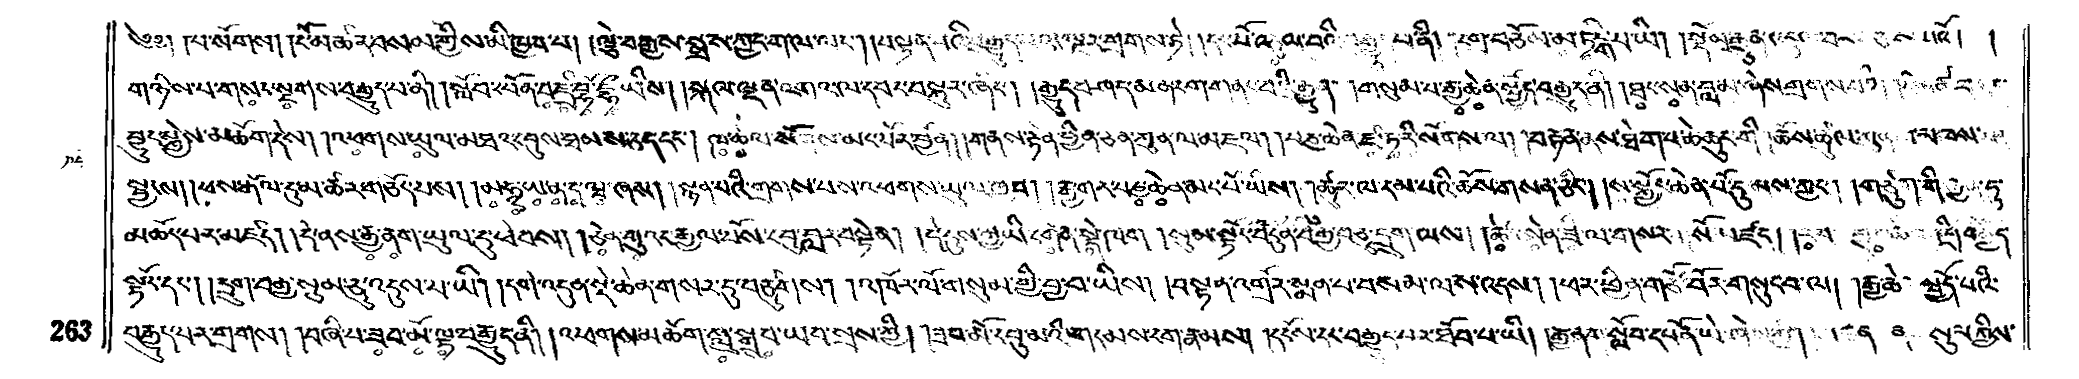༄༅། །པ་སོགས། །ངོ་མཚར་བསམ་གྱིས་མི་ཁྱབ་པ། །ལྕེ་བརྒྱས་སྨྲས་ཀྱང་ག་ལ་ལང་། །བསྟན་པའི་བརྒྱུད་པའང་ལྔར་གྲགས་ཏེ། །དང་བོ་འདུལ་བའི་བརྒྱུད་པ་ནི། །དགྲ་བཅོམ་མ་ཏིངྒ?་པ་ཡི། །སྡོམ་རྒྱུན་འདུལ་བར་བཅས་པའོ། །
གཉིས་པ་གསང་སྔགས་བརྒྱུད་པ་ནི། །སློབ་དཔོན་བཛྲི་བྷོ་དྷྀ་ཡིས། །སྐལ་ལྡན་འགའ་ལ་དབང་བསྐུར་ཞིང་། །རྒྱུད་བཤད་མན་ངག་གནང་བའི་རྒྱུན་།གསུམ་པ་རྒྱ་ཆེན་སྤྱོད་བརྒྱུད་ནི། །ཐང་སན་བླ་མ་ཞེས་གྲགས་པའི། །ངོ་མཚར་པ?
བྱུང་སྐྱེས་མཆོག་དེས། །འཕགས་ཡུལ་མཐའ་དབུས་ཐམས་ཅད་དང་། ཁ་ཆེ་ལ་སོགས་མང་བོར་བྱོན། །གནས་རྟེན་བྱིན་ཅན་ཀུན་ལ་མཇལ། །པཎ་ཆེན་ཛ་ཏ་རི་སོགས་ལ། །བརྟན་ནས་ཐེག་པ་ཆེ་ཆུང་གི །ཆོས་ཚུལ་ཀུན་ལ་མཁས་པར་
སྦྱངས། །ཕས་སྒོལ་དུ་མ་ཚར་གཅོད་པས། །མཧཱ་ཡ་ན་ད་ཝ་ཞས། །སྙན་པའི་གྲགས་པས་འཕགས་ཡུལ་ཁྱབ། །རྒྱ་གར་པཎ་ཆེན་མང་བོ་ཡིས། །ཚུར་ལ་དམ་པའི་ཆོས་གསན་ཅིང་། །ས་སྐྱོང་ཆེན་པོ་དུ་མས་ཀྱང་། །གཙུག་གི་རྒྱན་དུ་
མཆོད་པར་མཛད། །དེ་ནས་རྒྱ་ནག་ཡུལ་དུ་ཕེབས། །ཅེན་གུའང་རྒྱལ་པོས་དབུ་བླར་བསྟེན། །དེ་དུས་རྒྱ་ཡི་དགོན་སྡེ་ཁག །སུམ་སྟོང་བདུན་བརྒྱ་བཅུ་དྲུག་ལས། །ཚེ་ཨེན་ཟི་ལ་གསར་གསོ་མཛད། །རབ་བྱུང་ཆིག་ཁྲི་བརྒྱད?
སྟོང་དང་། །དྲུག་བརྒྱ་སུམ་ཅུ་འདུས་པ་ཡི། །དགེ་འདུན་སྡེ་ཆེན་གསར་དུ་བཙུགས། །འཁོར་ལོ་གསུམ་གྱི་བྱ་བ་ཡིས། །བསྟན་འགྲོར་སྨན་པ་བསམ་ལས་འདས། །ཕར་ཕྱིན་གཙོ་བོར་གསུང་བ་ལ། །རྒྱ་ཆེ་སྤྱོད་པའི་
བརྒྱུད་པར་གྲགས། །བཞི་པ་ཟབ་མོ་ལྟ་བརྒྱུད་ནི། །འཕགས་མཆོག་ཀླུ་སྒྲུབ་ཡབ་སྲས་ཀྱི། །ཟབ་མོ་དབུ་མའི་གདམས་ངག་རྣམས། །དངོས་དང་བརྒྱུད་པར་ཐོབ་པ་ཡི། །རྒྱ་ནག་སློབ་དཔོན་ཡེ་ཤེས་ཀྱི། །མཚན་ནས་སུམ་ཀྱིས་